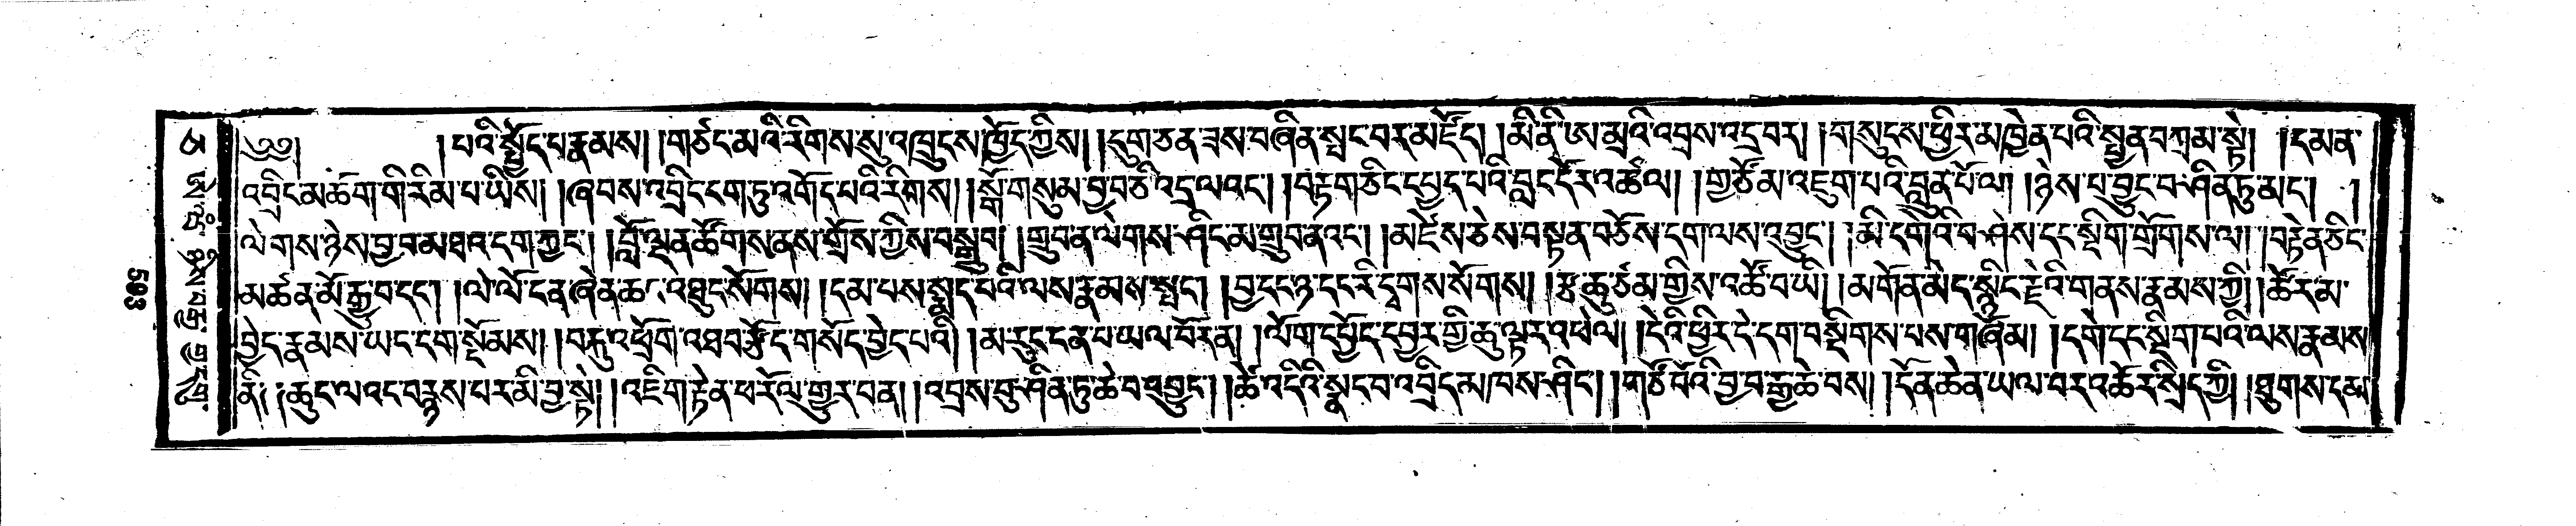༄༅། །པའི་སྤྱོད་པ་རྣམས། །གཙང་མའི་རིགས་སུ་འཁྲུངས་ཁྱོད་ཀྱིས། །དུག་ཅན་ཟས་བཞིན་སྤང་བར་མཛོད། །མི་ནི་ཨ་མྲའི་འབྲས་འདྲ་བར། །གསུངས་ཕྱིར་མཁྱེན་པའི་སྤྱན་བཀྲམ་སྟེ། །དམན་
འབྲིང་མཆོག་གི་རིམ་པ་ཡིས། །ཞབས་འབྲིང་ངག་ཏུ་འགོད་པའི་རིགས། །སྒོ་གསུམ་བྱ་བ་ཅི་འདྲ་ལའང་། །བརྟག་ཅིང་དཔྱད་པའི་བླང་དོར་འཚལ། །གྱ་ཙོམ་འཇུག་པའི་བླུན་པོ་ལ། །ཉེས་པ་བྱུང་བ་ཤིན་ཏུ་མང་། །
ལེགས་ཉེས་བྱ་བ་མཐའ་དག་ཀྱང་། །བློ་ལྡན་ཚོགས་ནས་གྲོས་ཀྱིས་བསྒྲུབ། །གྲུབ་ན་ལེགས་ཤིང་མ་གྲུབ་ནའང་། །མཛེས་ཅེས་བསྟན་བཅོས་དག་ལས་འབྱུང་། །མི་དགེའི་བཤེས་དང་སྡིག་གྲོགས་ལ། །བརྟེན་ཅིང་
མཚན་མོ་རྒྱུ་བ་དང་། །ལེ་ལོ་ངན་ཞེན་ཆང་འཐུང་སོགས། །དམ་པས་སྨད་པའི་ལས་རྣམས་སྤང་། །བྱ་དང་ཉ་དང་རི་དྭགས་སོགས། །རྩྭ་ཆུ་ཙམ་གྱིས་འཚོ་བ་ཡི། །མགོན་མེད་སྙིང་རྗེའི་གནས་རྣམས་ཀྱི། །ཚེར་མ་
བྱེད་རྣམས་ཡང་དག་སྡོམས། །བརྐུ་འཕྲོག་འཐབ་རྩོད་གསོད་བྱེད་པའི། །མ་རུང་ངན་པ་ཡལ་བོར་ན། །ལོག་དཔྱོད་དབྱར་གྱི་ཆུ་ལྟར་འཕེལ། །དེའི་ཕྱིར་དེ་དག་བསྡིགས་པས་གཞོམ། །དགེ་དང་སྡིག་པའི་ལས་རྣམས་
ནི༑ ༑ཆུང་ལའང་བརྙས་པར་མི་བྱ་སྟེ། །འཇིག་རྟེན་ཕ་རོལ་གྱུར་པ་ན། །འབྲས་བུ་ཤིན་ཏུ་ཆེ་བ་འབྱུང་། །ཚེ་འདིའི་སྣང་བ་འབྲིད་མཁས་ཤིང་། །གཙོ་བོའི་བྱ་བ་རྒྱ་ཆེ་བས། །དོན་ཆེན་ཡལ་བར་འཚོར་སྲིད་ཀྱི། །ཐུགས་དམ་